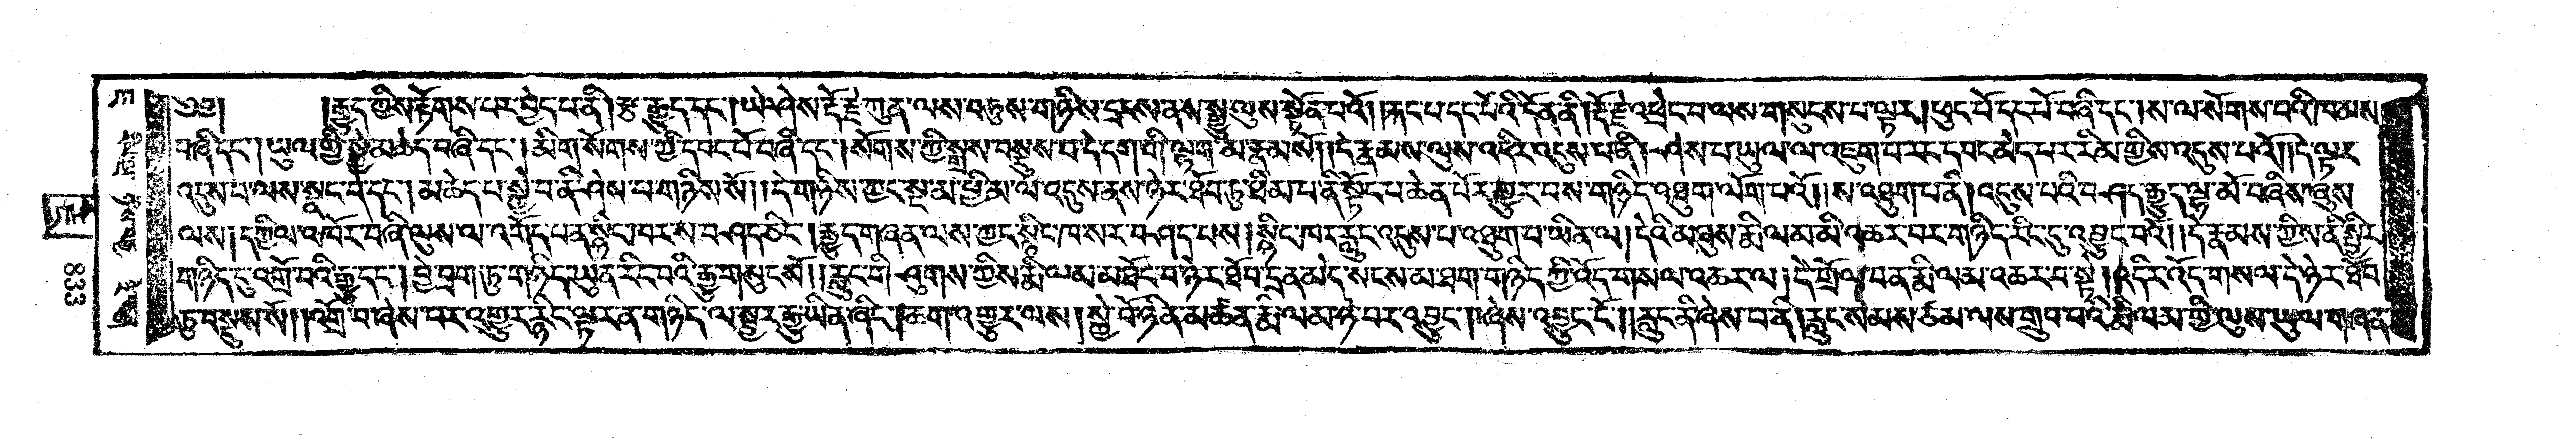༄༅། །རྒྱུད་ཀྱིས་རྟོགས་པར་བྱེད་པ་ནི། རྩ་རྒྱུད་དང་། ཡི་ཤེས་རྡོ་རྗེ་ཀུན་ལས་བཏུས་གཉིས་དྲངས་ནས་སྒྱུ་ལུས་སྟོན་པའོ། །རྐང་པ་དང་པོའི་དོན་ནི། རྡོ་རྗེ་འཕྲེང་བ་ལས་གསུངས་པ་ལྟར། ཕུང་པོ་དང་པོ་བཞི་དང་། ས་ལ་སོགས་པའི་ཁམས་
བཞི་དང་། ཡུལ་གྱི་སྐྱེ་མཆེད་བཞི་དང་། མིག་སོགས་ཀྱི་དབང་པོ་བཞི་དང་། སོགས་ཀྱི་སྒྲས་བསྡུས་པ་དེ་དག་གི་ལྷག་མ་རྣམས་སོ། །དེ་རྣམས་ལུས་འདིར་འདུས་པ་ནི། ཤེས་པ་ཡུལ་ལ་འཇུག་པ་རང་དབང་མེད་པར་རིམ་གྱིས་འདུས་པའོ། །དེ་ལྟར་
འདུས་པ་ལས་སྣང་བ་དང་། མཆེད་པ་སྐྱེ་བ་ནི་ཤེས་པ་གཉིས་སོ། །དེ་གཉིས་ཀྱང་སྔ་མ་ཕྱི་མ་ལ་འདུས་ནས་ཉེར་ཐོབ་ཏུ་ཐིམ་པ་ནི་སྟོང་པ་ཆེན་པོར་གྱུར་པས་གཉིད་འཐུག་ལོག་པའོ། །ས་འཐུག་པ་ནི། འདུས་པའི་བཤད་རྒྱུད་ལྷ་མོ་བཞིས་ཞུས་
ལས། དཀྱིལ་འཁོར་བཞི་ལུས་ལ་འགོད་པ་ན་སྙིང་ཁར་ས་བཤད་ཅིང་། རྒྱུད་གཞན་ལས་ཀྱང་སྙིང་ཁ་སར་བཤད་པས། སྙིང་ཁར་རླུང་འདུས་པ་འཐུག་པ་ཡིན་ལ། དེའི་མཐུས་རྨི་ལམ་མི་འཆར་བར་གཉིད་རིང་དུ་འབྱུང་བའོ། །དེ་རྣམས་ཀྱིས་ནི་སྤྱིར་
གཉིད་དུ་འགྲོ་བའི་རྒྱུ་དང་། བྱེ་བྲག་ཏུ་གཉིད་ཡུན་རིང་བའི་རྒྱུ་གསུངས་སོ། །རླུང་གི་ཤུགས་ཀྱིས་རྨི་ལམ་མཐོང་བ་ཉེར་ཐོབ་དྲན་མེད་སངས་མ་ཐག་གཉིད་ཀྱི་འོད་གསལ་འཆར་ལ། དེ་གྲོལ་བ་ན་རྨི་ལམ་འཆར་བ་སྟེ། འདིར་འོད་གསལ་དེ་ཉེར་ཐོབ་
ཏུ་བསྡུས་སོ། །འགྲོ་བ་ཞེས་པར་འགྱུར་རྙིང་ལྟར་ན་གཉིད་ལ་སྦྱར་རྒྱུ་ཡིན་ཞིང་། ཆག་འགྱུར་ལས། སྐྱེ་བོ་ཉིན་མཚན་རྨི་ལམ་ཉ་བར་འབྱུང་། །ཞེས་འབྱུང་ངོ། །རླུང་ནི་ཞེས་པ་ནི། རླུང་སེམས་ཙམ་ལས་གྲུབ་པའི་རྨི་ལམ་གྱི་ལུས་ཡུལ་གཞན་